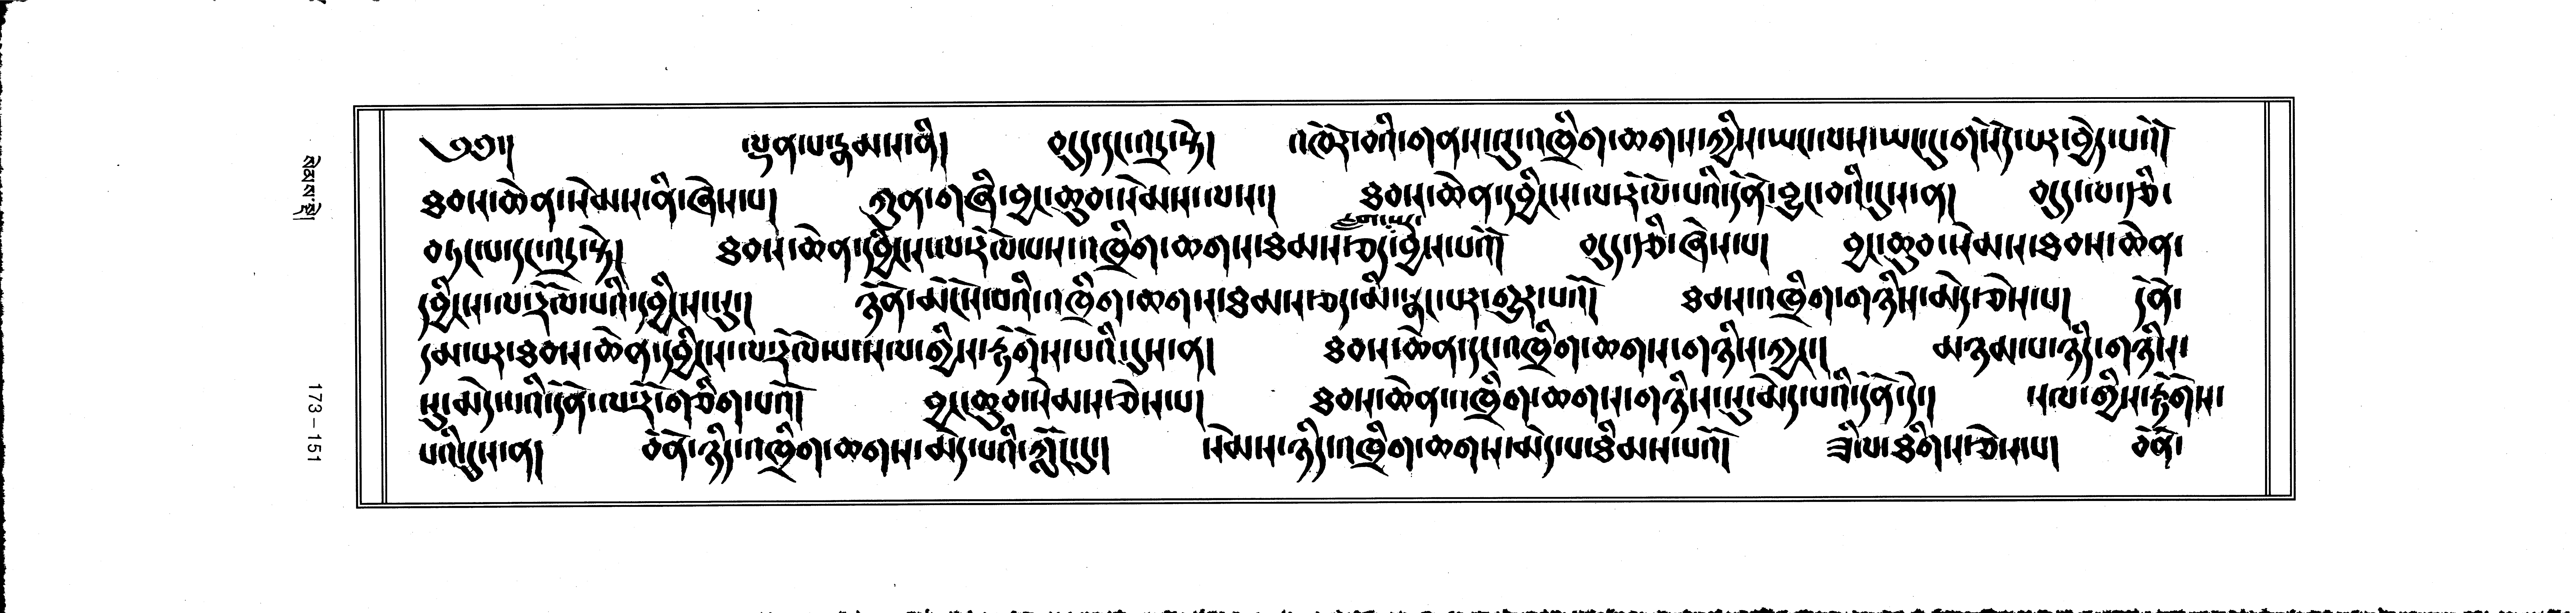ལྡན་པ་རྣམས་ནི་བདུད་དང་འདྲ་སྟེ། འཁོར་བའི་གནས་སུ་འཁྲིག་ཆགས་ཀྱིས་ཡང་ནས་ཡང་དུ་གསོད་པར་བྱེད་པའོ། །
ཐབས་ཆེན་སེམས་ནི་ཞེས་པ། ཀུན་གཞི་བྱང་ཆུབ་ཀྱི་སེམས་ལས། ཐབས་ཆེན་དབྱིངས་ལ་རོལ་པའི་དོན་བྱུང་བའི་དུས་ན། བདུད་ལ་རྩི་
བཏང་བ་དང་འདྲ་སྟེ། ཐབས་ཆེན་དབྱིངས་ལ་རོལ་པས་འཁྲིག་ཆགས་ཐམས་ཅད་བརླག་པར་བྱེད་པའོ། །བདུད་རྩི་ཞེས་པ་བྱང་ཆུབ་སེམས་ཐབས་ཆེན་
དབྱིངས་ལ་རོལ་པའི་དབྱིངས་སུ་། ཉོན་མོངས་པའི་འཁྲིག་ཆགས་ཐམས་ཅད་མི་སྣང་པར་གྱུར་པའོ། །ཐབས་འཁྲིག་གཉིས་མེད་ཅེས་པ། དོན་
དམ་པར་ཐབས་ཆེན་དབྱིངས་ལ་རོལ་པ་སལ་གྱིས་རྟོགས་པའི་དུས་ན། ཐབས་ཆེན་དང་འཁྲིག་ཆགས་གཉིས་ཀྱང་། མཉམ་པ་ཉིད་གཉིས་
སུ་མེད་པའི་དོན་ལ་རོ་གཅིག་པའོ། །བྱང་ཆུབ་སེམས་ཅེས་པ། ཐབས་ཆེན་འཁྲིག་ཆགས་གཉིས་སུ་མེད་པའི་དོན་དེ་སལ་གྱིས་རྟོགས་
པའི་དུས་ན། བོན་ཉིད་འཁྲིག་ཆགས་མེད་པའི་ཀློང་དུ། སེམས་ཉིད་འཁྲིག་ཆགས་མེད་པ་ཐིམ་པའོ། །ཟིལ་ཐིགས་ཅེས་པ། བོན་